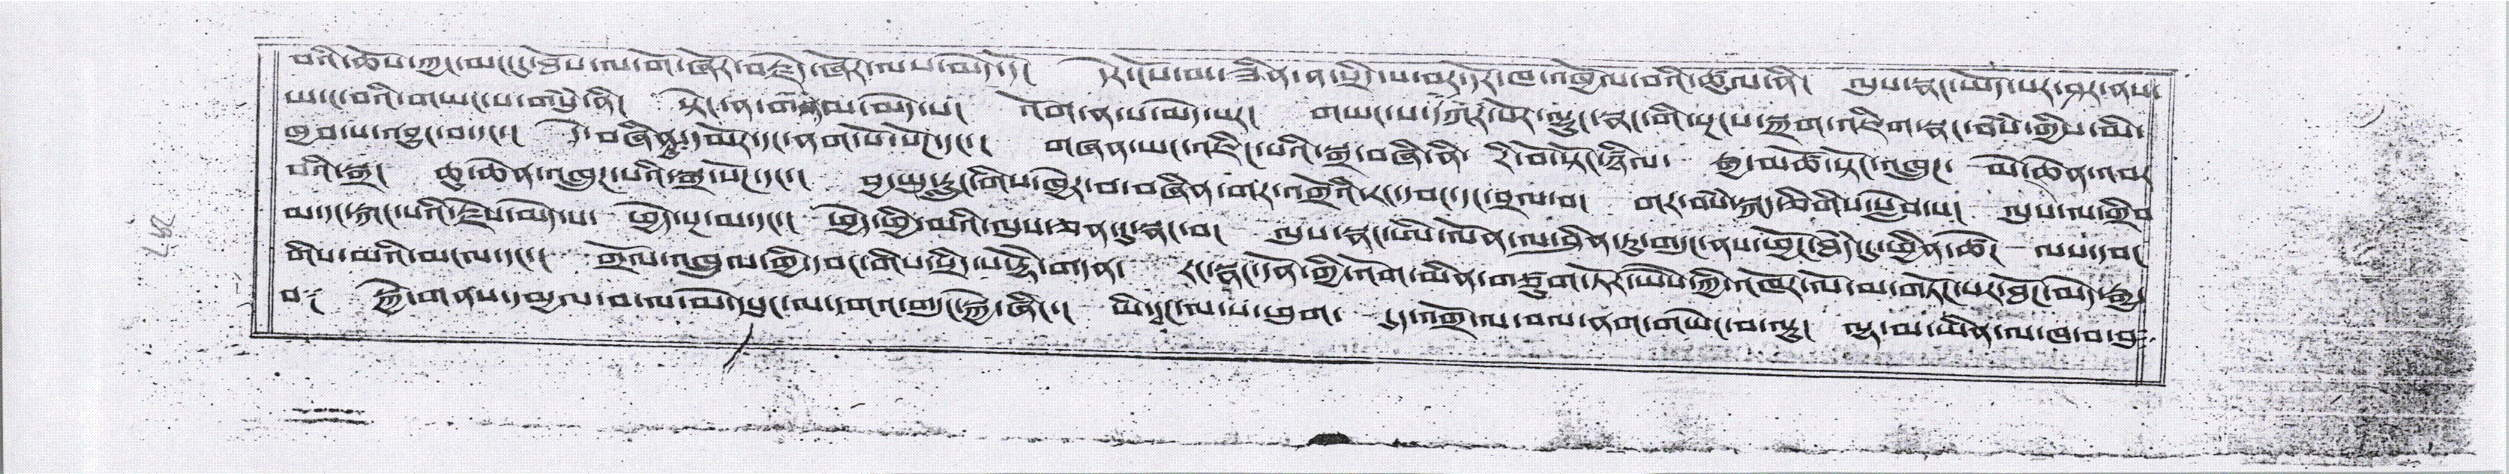བའི་ཆོས་ཀྱང་མང་དུ་ཐོས་ལ་གོ་ཞོར་བརྗེད་ཞོར་ལས་མེད་དོ། དེར་ངོས་མ་ཟིན་ན་སྲིད་པ་བར་དོར་ཁ་འཁྱོལ་བའི་ཚུལ་ནི། ལུས་སྣང་ཡོད་པར་ཤར་ནས་
ཡ་ང་བའི་གཡང་ས་གསུམ་ནི། སྟེང་ན་གཉེམ་མེད་པ། འོག་ན་ས་མེད་པར། གཡང་ས་དཀར་པོར་ལྷུང་སྣང་གི་སྔགས་སྐྲག་འཇིག་སྣང་བསམ་གྱིས་མི་
ཁྱབ་པ་འབྱུང་བ་དང། དེ་བཞིན་ཏུ་དམར་པོ་དང་ནག་པོ་སོགས་དང། གཞན་ཡང་འཇིགས་པའི་སྒྲ་བཞི་ནི། རི་བོ་སྟོང་སྙིལ། རྒྱལ་མཚོ་སྟོང་འཁྲུགས། མེ་ཆེན་འབར་
པའི་སྒྲ། ཆུ་ཆེན་འཁྲུགས་པའི་སྒྲ་སོགས་དང། བྱ་སྤུ་རླུང་གིས་ཁྱེར་བ་བཞིན་གར་འགྲོའི་རང་དབང་དང་བྲལ་བ། གར་བསམ་སྐད་ཅིག་གིས་སླེབས་པ། ལུས་ལ་གྲིབ་
མ་དང་རྐང་པའི་རྗེས་མེད་པ། ཕྱེད་སྔ་མ་དང། ཕྱེད་ཕྱི་མའི་ལུས་ཅན་དུ་སྣང་བ། ལུས་སྣང་ཨི་ལོན་ལ་ཤིན་ཏུ་གདུང་ནས་ཕྱོགས་ཐམས་ཅད་དུ་ཕྱིན་ཚེ། ལས་དབང་
གིས་མའི་མངལ་དང། གྲོལ་འཁྲུལ་གྱི་དབང་གིས་སྲིད་པ་རྡོ་རྗེ་གདན། རང་སྣང་དོན་གྱི་འོག་མིན་གཙུག་ཏོར་ཡེ་ཤེས་ཀྱི་འཁོར་ལོ་མ་གཏོགས་པར་ཐོགས་མེད་རྒྱུ་
བ། སྐྱེ་གནས་དམྱལ་བ་ལ་མེ་དཔུང་ལ་དགའ་གདུང་སྐྱེ་ཞིང། ཡི་དྭགས་ལ་ས་ཕུག དུད་འགྲོ་ལ་བལ་ནག་གཡེང་བ་ལྟ་བུ། ལྷ་མ་ཡིན་ལ་ཁ་བ་བུ་